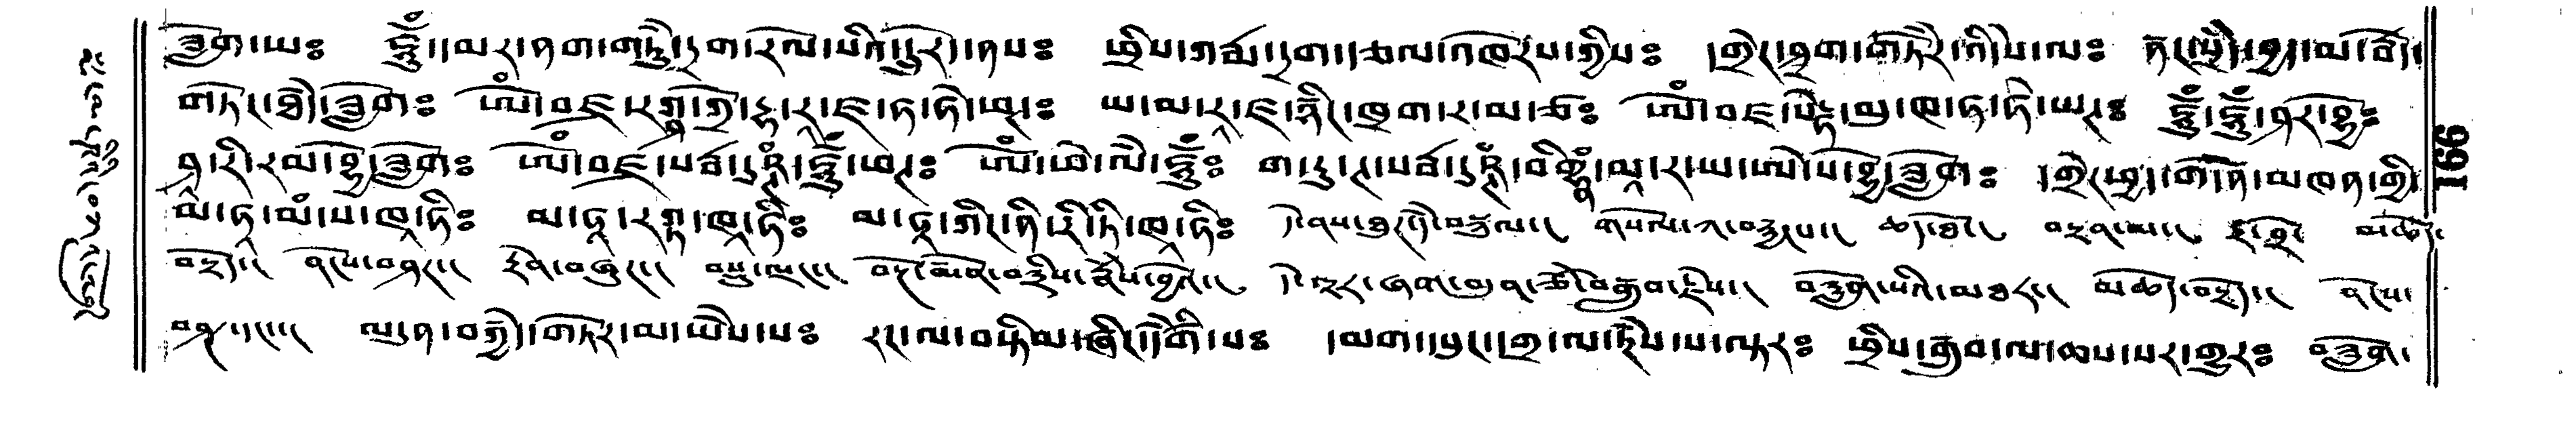ཟློག་ཡ༔ ཧཱུྃ་དམར་ནག་གཏུམ་དྲག་རོལ་པའི་དུར་ཁྲོད་ནས༔ ཕྲིན་ལས་ཀརྨ་དྲག་རྩལ་འཁོར་བཅས་ཀྱིས༔ དགྲ་བགེགས་ཤ་ཁྲག་གཏོར་མ་འདི་བཞེས་ལ༔ སྣང་སྲིད་བྱད་མ་རྦོད་
གཏོང་ཐམས་ཅད་ཟློག༔ ཨོཾ་བཛྲ་རཀྴ་ཀྲོ་དྷ་རཱ་ཛ་ཧ་ཧེ་ཕཊ༔ ཡ་མ་རཱ་ཛ་སྙིང་ཁྲག་ར་མ་ཙ༔ ཨོཾ་བཛྲ་སེདྷ་མུ་ཁ་ཧ་ཧེ་ཕཊ༔ ཧཱུྃ་ཧཱུྃ་ཤར་བྷྱོ༔ 
ཤཱ་རི་རམ་བྷྱོ་ཟློག༔ ཨོཾ་བཛྲ་སརྦ་དུཥྚན་ཧཱུྃ་ཕཊ༔ ཨོཾ་ཕེ་ལཾ་ཧཱུྃ༔ ག་རུ་ཊ་སརྦ་དུཥྚན་བིགྷྣན་མཱ་ར་ཡ་ཨེ་ས་བྷྱོ་ཟློག༔ དགྲ་བགེགས་བྱད་གདོན་མཁན་གྱི་
མ་ཧཱ་མཾ་ས་ཁཱ་ཧི༔ མ་ཧཱ་རཀྴ་ཁཱ་ཧི༔ མ་ཧཱ་ཀིང་ནི་རི་ཏི་ཁཱ་ཧི༔ དེ་ནས་ཐུགས་དམ་བསྐུལ།གསོལ་ཀ་བསྐྱང་། ཆད་ཐོ། བརྟན་མ། རྟ་བྲོ། མཆོད་
བསྟོད། ནོངས་བཤགས། བརྟན་བཞུགས། བསྡུ་ལྡང་། བསྔོ་སྨོན་བཀྲ་ཤིས་རྣམས་བྱའོ། དེ་ལྟར་ཞག་བདུན་ཙམ་བསྒྲུབས་རྗེས། བཟློག་པའི་མཐར། མཆོད་བརྗོད། ནོངས་
བཤགས་དང་། མདུན་བསྐྱེད་གཏོར་མ་ཡེ་ཤེས་པ༔ རང་ལ་བསྟིམ་ཞིང་དམ་ཚིག་པ༔ དམག་དཔུང་དགྲ་ལ་རྔམ་པ་ལྟར༔ ཕྲིན་ལས་སྒྲུབ་ལ་ཆས་པར་གྱུར༔ བཟློག་